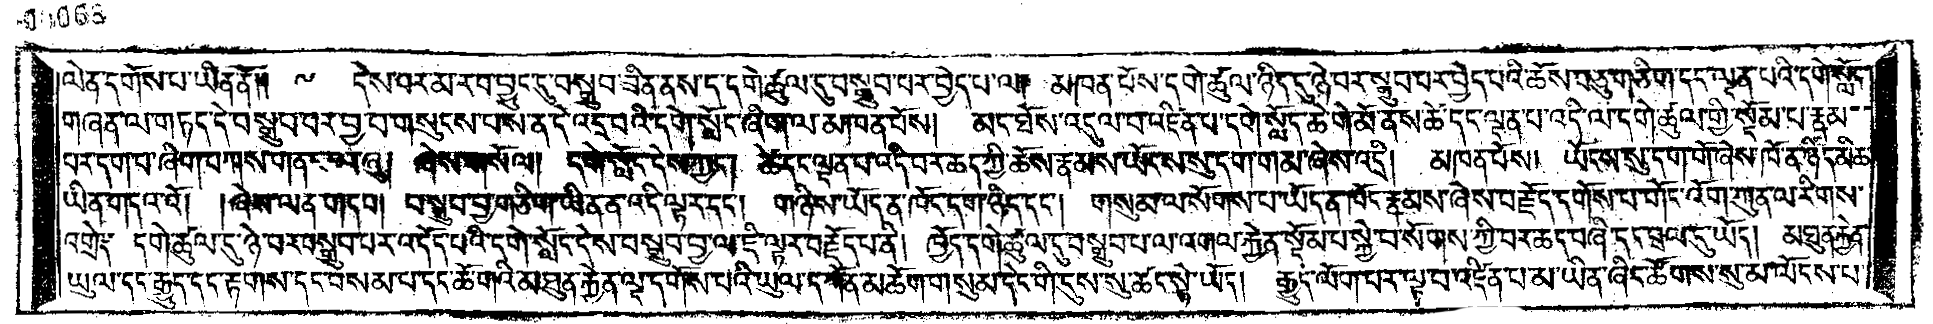ལེན་དགོས་པ་ཡིན་ནོ།། ༧་དེས་བར་མ་རབ་བྱུང་དུ་བསྒྲུབ་ཟིན་ནས་ད་དགེ་ཚུལ་དུ་བསྒྲུབ་པར་བྱེད་པ་ལ། མཁན་པོས་དགེ་ཚུལ་ཉིད་དུ་ཉེ་བར་སྒྲུབ་པར་བྱེད་པའི་ཆོས་བཅུ་གཅིག་དང་ལྡན་པའི་དགེ་སློང་
གཞན་ལ་གཏད་དེ་བསྒྲུབ་པར་བྱ་བ་གསུངས་པས་ན་དེ་འདྲ་བའི་དགེ་སློང་ཞིག་ལ་མཁན་པོས། མང་ཐོས་འདུལ་བ་འཛིན་པ་དགེ་སློང་ཆེ་གེ་མོ་ནས་ཚེ་དང་ལྡན་པ་འདི་ལ་དགེ་ཚུལ་གྱི་སྡོམ་པ་རྣམ་
པར་དག་པ་ཞིག་བཀས་གནང་བར་ཞུ། ཞེས་གསོལ། དགེ་སློང་དེས་ཀྱང་། ཚེ་དང་ལྡན་པ་འདི་བར་ཆད་ཀྱི་ཆོས་རྣམས་ཡོངས་སུ་དག་གམ་ཞེས་འདྲི། མཁན་པོས། ཡོངས་སུ་དག་གོ་ཞེས་ཁོ་ན་ཉིད་མཆི་
ཡིན་གདའ་འོ། །ཞེས་ལན་གདབ། བསྒྲུབ་བྱ་གཅིག་ཡིན་ན་འདི་ལྟར་དང་། གཉིས་ཡོད་ན་ཁོང་དག་ཉིད་དང་། གསུམ་ལ་སོགས་པ་ཡོད་ན་ཁོང་རྣམས་ཞེས་བརྗོད་དགོས་པ་གོང་འོག་ཀུན་ལ་རིགས་
འགྲེ༑ དགེ་ཚུལ་དུ་ཉེ་བར་བསྒྲུབ་པར་འདོད་པའི་དགེ་སློང་དེས་བསྒྲུབ་བྱ་ལ་ཇི་ལྟར་བརྗོད་པ་ནི། ཁྱོད་དགེ་ཚུལ་དུ་བསྒྲུབ་པ་ལ་འགལ་རྐྱེན་སྡོམ་པ་སྐྱེ་བ་སོགས་ཀྱི་བར་ཆད་བཞི་དང་བྲལ་དུ་ཡོད། མཐུན་རྐྱེན་
ཡུལ་དང་རྒྱུད་དང་རྟགས་དང་བསམ་པ་དང་ཆོ་གའི་མཐུན་རྐྱེན་ལྔ་དགོས་པའི་ཡུལ་དཀོན་མཆོག་གསུམ་དེང་གི་དུས་སུ་ཚང་སྟེ་ཡོད། རྒྱུད་ལོག་པར་ལྟ་བ་འཛིན་པ་མ་ཡིན་ཞིང་ཚོགས་སུ་མ་ལོངས་པ་